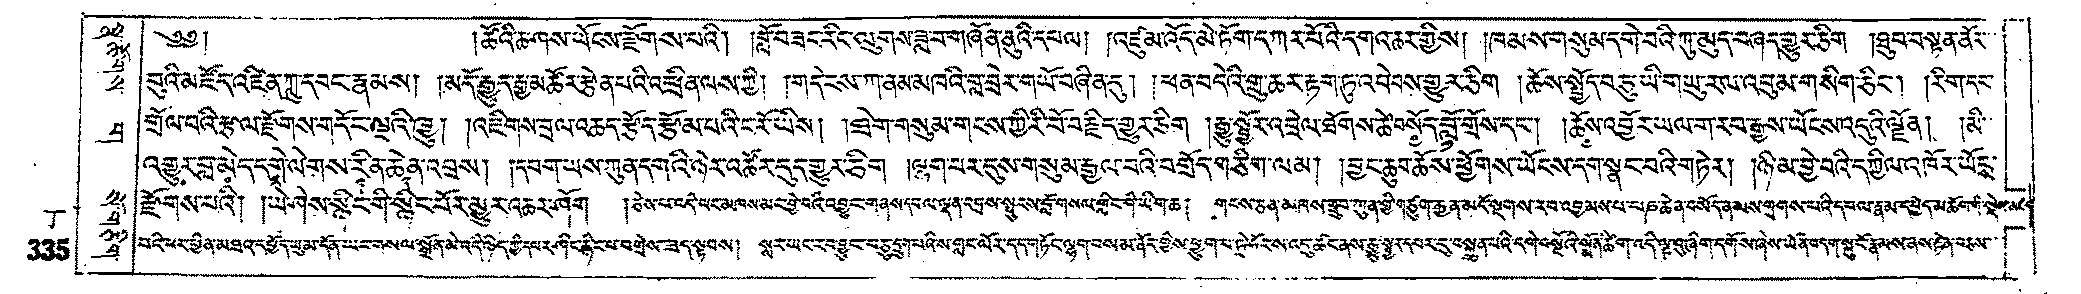༄༅། །ཚོའི་ཆ་ཤས་ཡོངས་རྫོགས་པའི། །བློ་བཟང་རིང་ལུགས་ཟླ་བ་གཞོན་ནུའི་དཔལ། །འཛུམ་འོད་མེ་ཏོག་དཀར་པོའི་དགའ་ཆར་གྱིས། །ཁམས་གསུམ་དགེ་བའི་ཀུ་མུད་བཞད་གྱུར་ཅིག །ཐུབ་བསྟན་ནོར་་་
བུའི་མཛོད་འཛིན་ཀླུ་དབང་རྣམས། །མདོ་རྒྱུད་རྒྱ་མཚོར་རྩེན་པའི་འཕྲིན་ལས་ཀྱི། །གདེངས་ཀ་ནམ་མཁའི་བླ་བྲེར་གཡོ་བཞིན་དུ། །ཕན་བདེའི་གྲུ་ཆར་རྟག་ཏུ་འབེབས་གྱུར་ཅིག །ཆོས་སྤྱོད་བཅུ་ཡི་གཡུ་རལ་འབུམ་གསིག་ཅིང་། །རིག་དང་
གྲོལ་བའི་རྩལ་རྫོགས་གདོང་ལྔའི་ཁྱུ། །འཇིགས་བྲལ་འཆད་རྩོད་རྩོམ་པའི་ང་རོ་ཡིས། །ཐེག་གསུམ་གངས་ཀྱི་རི་བོ་བརྗིད་གྱུར་ཅིག །རྒྱུ་སྦྱོར་འབྲེལ་ཐོགས་ཚེ་བསོདཾ་བློ་གྲོས་དང་། །ཆོསཾ་འབྱོར་ཡལ་ག་རབ་རྒྱས་ཡོངས་འདུའི་ལྗོན། །མི་་་
འགྱུར྾་བླ་མེད྾་དགེ་ལེགས་རིན་ཆེན་འབྲས། །དཔག་ཡས་ཀུན་དགའི་ཉེར་འཚོར་དུད་གྱུར་ཅིག །ལྷག་པར་དུས་གསུམ་རྒྱལ་བའི་བགྲོད་གཅིག་ལམ། །བྱང་ཆུབ་ཆོས་ཕྱོགས་ཡོངས་དག་སྣང་བའི་གཏེར། །ཉི་མ་བྱེ་བའི་དཀྱིལ་འཁོར་ཡོངས་
རྫོགས་པའི། །ཡེ་ཤེས་སྙིང་གི་སྙིང་པོར་མྱུར་འཆར་ཤོག །ཅེས་པ་འདི་ཡང་མཁས་མང་བྱེ་བའི་འབྱུང་གནས་དཔལ་ལྡན་འབྲས་སྤུངས་བློ་གསལ་གླིང་གི་ཡིག་ཆ། གངས་ཅན་མཁས་གྲུབ་ཀུན་གྱི་གཙུག་རྒྱན་མདོ་སྔགས་རབ་འབྱམས་པ་པཎ་ཆེན་བསོད་ནམས་གྲགས་པའི་དཔལ་རྣམ་དཔྱོད་མཆོག་གི་སྡེས་མཛད་
པའི་ཕར་ཕྱིན་མཐའ་དཔྱོད་ཡུམ་དོན་ཡང་གསལ་སྒྲོན་མེ་འདི་ཉིད་ཀྱི་དཔར་ཤིང་རྙིང་པ་བགྲེས་ཟད་སྟབས། སླར་ཡང་རབ་བྱུང་བཅུ་དྲུག་པའི་ས་གླང་ལོར་དད་གཏོང་ལྷག་བསམ་ནོར་གྱིས་ཕྱུག་པ་ཏྲེ་ཧོར་ས་འདི་ཚང་ནས་རྒྱུ་སྦྱར་དཔར་དུ་བསྐྲུན་པའི་དགེ་བསྔོའི་སྨོན་ཚིག་འདི་ལྟ་བུ་ཞིག་དགོས་ཞེས་ཡོན་བདག་སྐུ་ངོ་རྣམས་ནས་རྟེན་བཅས་་་